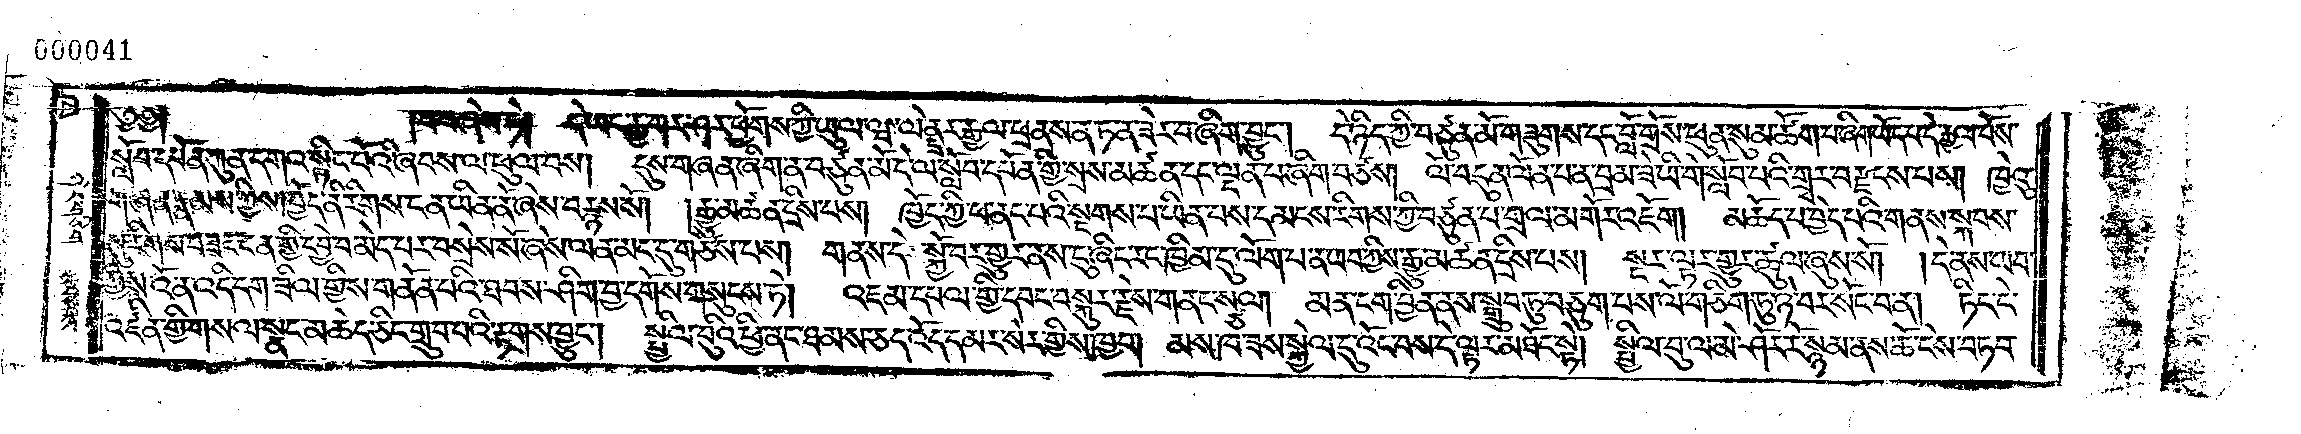༄༅། །བ་བཞེས་ཏེ། དེ་ཡང་རྒྱ་གར་ཤར་ཕྱོགས་ཀྱི་ཡུལ་ཝ་ལེནྡྲར་རྒྱལ་ཕྲན་ས་ན་ཏ་ན་ཟེར་བ་ཞིག་བྱུང་། དེ་ཉིད་ཀྱི་བཙུན་མོ་གཟུགས་དང་བློ་གྲོས་ཕུན་སུམ་ཚོགས་པ་ཞིག་ཡོད་པ་དེ་རྒྱལ་པོས་
སློབ་དཔོན་ཀུན་དགའ་སྙིང་པོའི་ཞབས་ལ་ཕུལ་བས། དུས་གཞན་ཞིག་ན་བཙུན་མོ་དེ་ལ་སློབ་དཔོན་གྱི་སྲས་མཚན་དང་ལྡན་པ་ཞིག་བཙས། ལོ་བདུན་ལོན་པ་ན་བྲམ་ཟེ་ཡི་གེ་སློབ་པའི་གྲྭར་བརྫངས་པས། ཁྱེའུ་
གཞན་རྣམས་ཀྱིས་ཁྱོད་ནི་རིགས་ངན་ཡིན་ནོ་ཞེས་བརྙས་སོ། །རྒྱུ་མཚན་དྲིས་པས། ཁྱོད་ཀྱི་ཕ་ནང་པའི་སྔགས་པ་ཡིན་པས་དམངས་རིགས་ཀྱི་བཙུན་པ་གྲལ་མགོར་འཇོག། མཆོད་པ་བྱེད་པའི་གནས་སྐབས་
སུ་རིགས་བཟང་ངན་གྱི་དབྱེ་བ་མེད་པར་བསྲེས་སོ་ཞེས་ལན་མང་དུ་གཙོས་པས། གནས་དེར་སྐྱོ་བར་གྱུར་ནས་དུ་ཞིང་རང་ཁྱིམ་དུ་ལོག་པ་ན་ཡབ་ཀྱིས་རྒྱུ་མཚན་དྲིས་པས། སྔར་ལྟར་གྱུར་ཚུལ་ཞུས་སོ། །དེ་ནས་ཡབ་
ཀྱིས་འོ་ན་འདི་དག་ཟིལ་གྱིས་གནོན་པའི་ཐབས་ཤིག་བྱ་དགོས་གསུངས་ཏེ། འཇམ་དཔལ་གྱི་དབང་བསྐུར་རྗེས་གནང་སྩལ། མན་ངག་བྱིན་ནས་སྒྲུབ་ཏུ་བཅུག་པས་ལོ་གཅིག་ཏུ་ཉེ་བར་སོང་བ་ན། ཏིང་ངེ་
འཛིན་གྱི་གསལ་སྣང་མཆེད་ཅིང་གྲུབ་པའི་རྟགས་བྱུང་། སྤྱིལ་བུའི་ཕྱི་ནང་ཐམས་ཅད་འོད་དམར་སེར་གྱིས་ཁྱབ། མས་ཁ་ཟས་སྐྱེལ་དུ་འོང་བས་དེ་ལྟར་མཐོང་སྟེ། སྤྱིལ་བུ་ལ་མེ་ཤོར་རོ་སྙམ་ནས་ཆོ་ངེས་བཏབ་